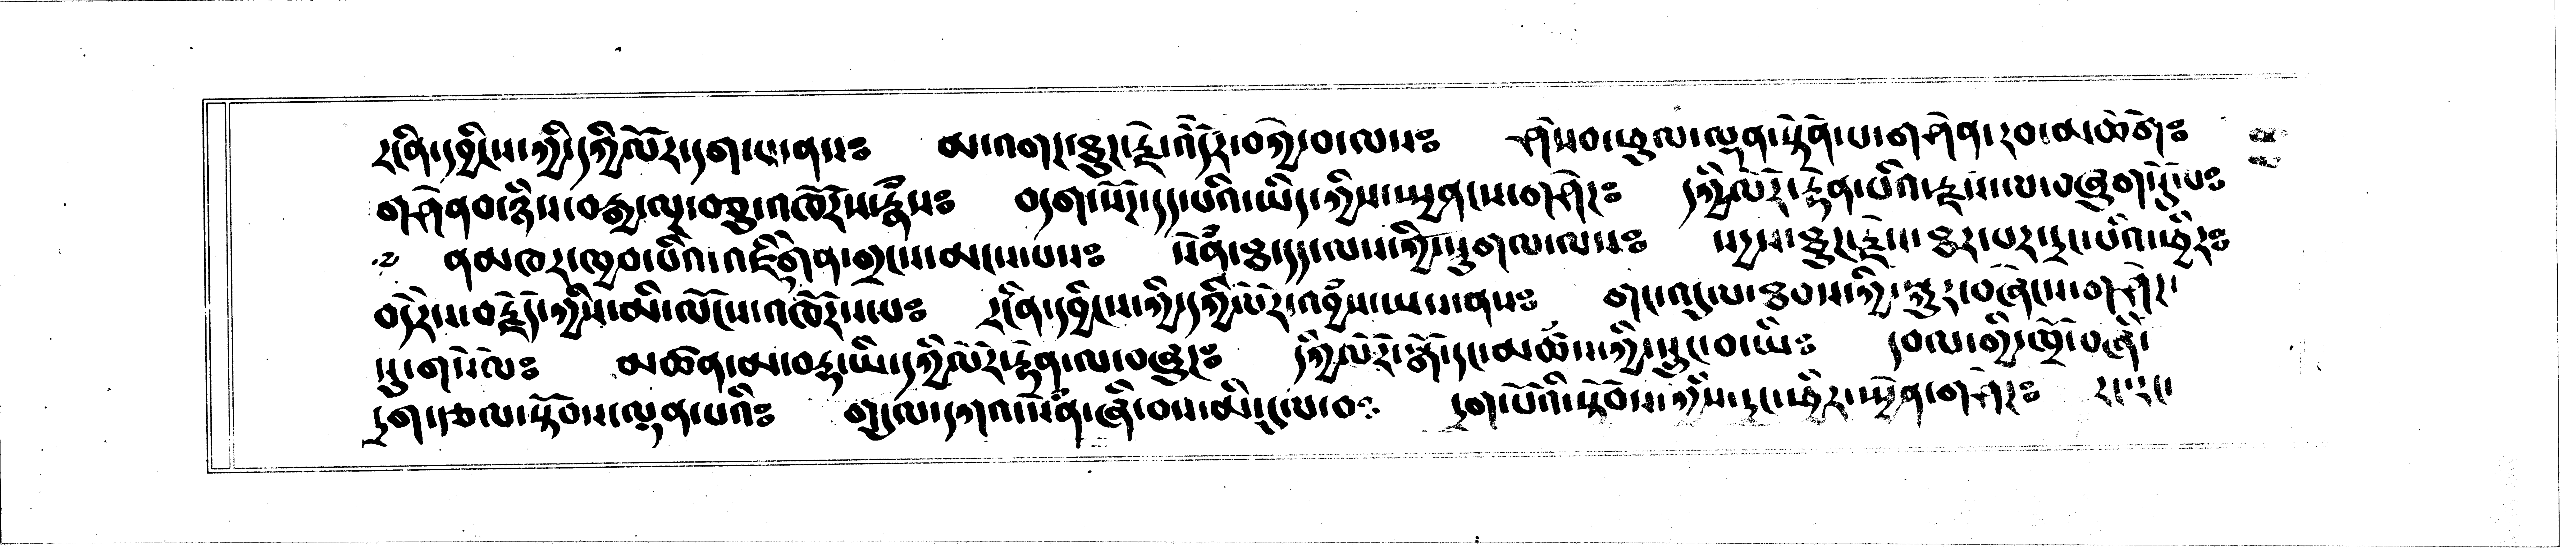རང་བཞིན་དབྱིངས་ཀྱི་དཀྱིལ་འཁོར་དག་པ་ནསཿ མ་འགག་ཐུགས་རྗེ་འོད་ཟེར་བཀྱེ་བ་ལསཿ ཤེས་རབ་ཕུལ་ལྡན་སྟོན་པ་གཤེན་རབ་མཆོགཿ 
གཤེན་རབ་ཉིས་བརྒྱ་ལྔ་བཅུ་འཁོར་བཅས་རྣམསཿ བདག་སོགས་དད་པའི་ཡིད་ཀྱིས་སྤྱན་དྲངས་གཤེགསཿ དཀྱིལ་འཁོར་རྟེན་པའི་རྫས་ལ་བཞུགས་སུ་གསོལཿ 
ནམ་མཁར་ཁྱབ་པའི་འཇིག་རྟེན་གྲངས་མང་བསཿ སེམས་ཅན་ཐ་དད་ལས་ཀྱི་སྡུག་བསྔལ་ལསཿ སངས་རྒྱས་ཐུགས་རྗེས་ཐར་པར་དྲངས་པའི་ཕྱིརཿ 
བདེར་གཤེགས་བརྗོད་ཀྱིས་མི་ལངས་འཁོར་བཅས་པཿ རང་བཞིན་དབྱིངས་ཀྱི་དཀྱིལ་འཁོར་འབྱམས་ཡས་ནསཿ གང་འདུལ་ཐབས་ཀྱི་སྐུར་བཞེངས་གཤེགས་
སུ་གསོལཿ མཚན་མ་བརྡ་ཡི་དཀྱིལ་འཁོར་རྟེན་ལ་བཞུགསཿ དཀྱིལ་འཁོར་སྒོ་དང་མཚམས་ཀྱི་སྲུང་བ་ཡིཿ དབལ་གྱི་ཁྲོ་བཞི་
དྲག་རྩལ་སྟོབས་ལྡན་པའིཿ གདུལ་དཀའ་སེམས་ཅན་ཞི་བས་མི་དུལ་བཿ དྲག་པོའི་སྟོབས་ཀྱིས་དྲང་ཕྱིར་སྤྱན་འདྲེན་གཤེགསཿ རང་རང་